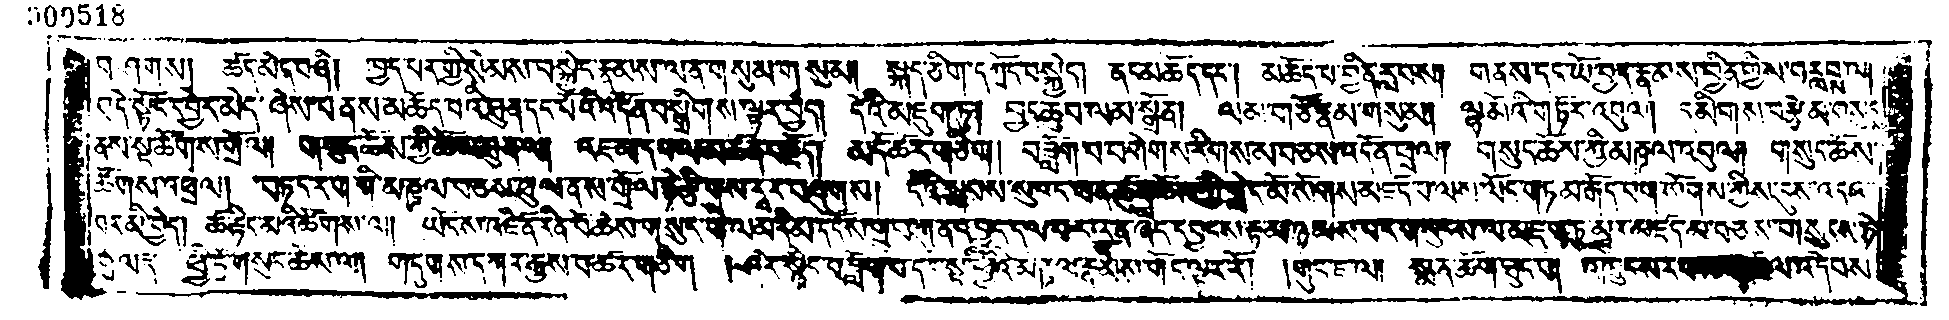བཤགས། ཚད་མེད་བཞི། ཁྱད་པར་གྱི་སེམས་བསྐྱེད་རྣམས་ལན་གསུམ་གསུམ། སྐད་ཅིག་དཀྲོང་བསྐྱེད། ནང་མཆོད་དང་། མཆོད་པ་བྱིན་རླབས། གནས་དང་ཡོ་བྱད་རྣམས་བྱིན་གྱིས་བརླབས་ལ། །
བདེ་སྟོང་དབྱེར་མེད་ཞེས་པ་ནས་མཆོད་པའི་ཐུན་དང་པོའི་འདོན་བསྒྲིགས་ལྟར་བྱེད། དེའི་མཇུག་ཏུ། བྱང་ཆུབ་ལམ་སྒྲོན། ལམ་གཙོ་རྣམ་གསུམ། ལྷ་མོའི་གཏོར་འབུལ། དམིགས་བརྩེ་མ་གསུངས་
ནས་སྔ་ཚོགས་གྲོལ། གསུང་ཆོས་ཀྱི་ཆོས་ཐུན་ལ། འཇམ་དཔལ་མཚན་བརྗོད། མདོ་ཚར་གཅིག །བཟློག་པ་བགེགས་རིགས་མ་བཅས་འདོན་ཕྲལ། གསུང་ཆོས་ཀྱི་མཎྜལ་འབུལ། གསུང་ཆོས་
ཚོགས་འཕྲལ། བཏང་རག་གི་མཎྜལ་བཅས་ཕུལ་ནས་གྲོལ་ཏེ་རྩིགས་རྭར་བཞུགས། དེའི་སྐབས་སུ་འང་ཕན་ཚུན་ཆོས་ཀྱི་གླེང་མོ་སོགས་མཛད་པ་ལས་ལོང་གཏམ་རྒོད་བག་སོགས་ཀྱིས་དུས་འདའ་
བར་མི་བྱེད། ཚ་རྟིང་མའི་ཚོགས་ལ། ཡོངས་འཛིན་རིན་པོ་ཆེས་གསུང་གི་ལམ་རིམ་དངོས་གྲུབ་ཀུན་འབྱུང་དལ་བར་འོ་?་ན་ཞིང་དབྱངས་རྟ་མ་ཉམས་པར་གསུངས་ལ་མཇུག་ཏུ་མྱུར་མཛད་མ་བཅས་གསུངས་ཏེ་
གྲོལ༑ ཕྱི་དྲོ་གསུང་ཆོས་ལ། གདུགས་དཀར་རྒྱས་པ་ཚར་གཅིག །ཤེར་སྙིང་བཟློག་པ་དང་སྔ་ཕྱིའི་མཎྜལ་རྣམས་གོང་ལྟར་རོ། །གུང་ཇ་ལ། སྨན་ཆོག་ཐུང་བ། འཁྲུངས་རབས་གསོལ་འདེབས་